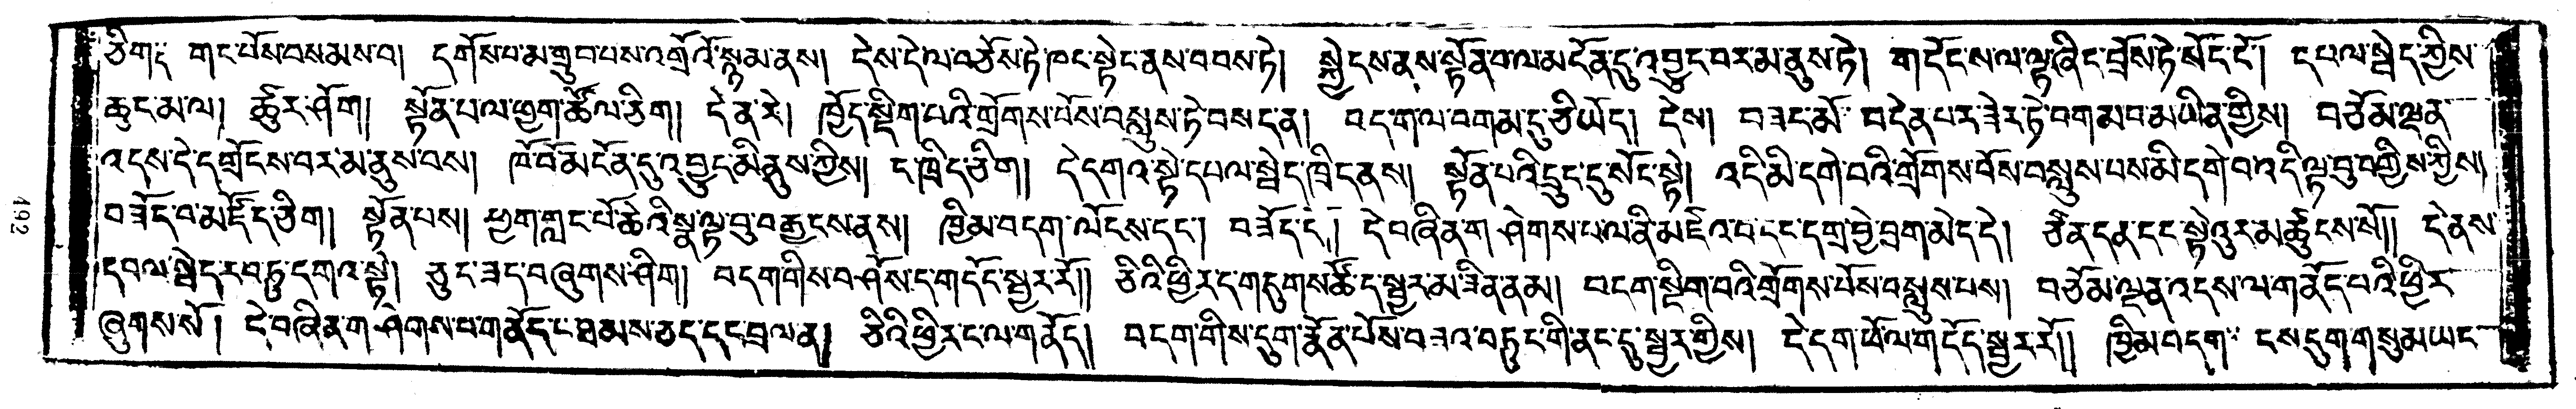ཅིག༑ གང་པོས་བསམས་བ། དགོས་པ་མ་གྲུབ་པས་འགྲོའོ་སྙམ་ནས། དེས་དེ་ལ་བཅོས་ཏེ་ཁང་སྟེང་ནས་བབས་ཏེ། སྐྱེདས་ནས་སྟོན་བ་ལ་མངོན་དུ་འབྱུང་བར་མ་ནུས་ཏེ། གདོང་ས་ལ་ལྟ་ཞིང་བྲོས་ཏེ་སོང་ངོ། དཔལ་སྦེད་ཀྱིས་
ཆུང་མ་ལ། ཚུར་ཤོག། སྟོན་པ་ལ་ཕྱག་ཚོལ་ཅིག། དེན་རེ། ཁྱོད་སྡིག་པའི་གྲོགས་བོས་བསླུས་ཏེ་བསད་ན། བད་ག་ལ་བགམ་དུ་ཅི་ཡོད། དེས། བཟང་མོ་བདེན་པར་ཟེར་ཏེ་བགམ་བ་མ་ཡིན་གྱིས། བཅོམ་ལྡན་
འདས་དེ་དགྲོངས་བར་མ་ནུས་བས། ཁོ་བོ་མངོན་དུ་འབྱུང་མི་ནུས་ཀྱིས། ང་ཁྲིད་ཅིག། དེ་དགའ་སྟེ་དཔལ་སྦེད་ཁྲིད་ནས། སྟོན་པའི་དྲུང་དུ་སོང་སྟེ། འདི་མི་དགེ་བའི་གྲོགས་བོས་བསླུས་པས་མི་དགེ་བ་འདི་ལྟ་བུ་བགྱིས་ཀྱིས།
བཟོད་བ་མཛོད་ཅིག། སྟོན་པས། ཕྱག་གླང་པོ་ཆེའི་སྣ་ལྟ་བུ་བརྒྱངས་ནས། ཁྱིམ་བདག་ལོངས་དང་། བཟོད་ངོ།། དེ་བཞིན་གཤེགས་པ་ལ་ནི་མཛའ་བ་དང་དགྲ་བྱེ་བྲག་མེད་དེ། ཙན་དན་དང་སྟེའུར་མཚུངས་སོ།། དེ་ནས་
དབལ་སྦེད་རབ་ཏུ་དགའ་སྟེ། ཅུང་ཟད་བཞུགས་ཤིག། བདག་གིས་བཤོས་ད་གདོང་སྦྱར་རོ།། ཅིའི་ཕྱིར་ད་གདུགས་ཚོ་ད་སྦྱར་མ་ཟིན་ནམ། བདག་སྡིག་བའི་གྲོགས་པོས་བསླུས་པས། བཅོམ་ལྡན་འདས་ལ་གནོད་པའི་ཕྱིར་
ཞུགས་སོ། དེ་བཞིན་གཤེགས་པ་གནོད་པ་ཐམས་ཅད་དང་བྲལ་ན། ཅིའི་ཕྱིར་ང་ལ་གནོད། བདག་གིས་དུག་རྣོན་པོས་བཟའ་བཏུང་གི་ནང་དུ་སྦྱར་གྱིས། དེ་དག་ཕོ་ལ་གདོད་སྦྱར་རོ།། ཁྱིམ་བདག་ངས་དུག་གསུམ་ཡང་